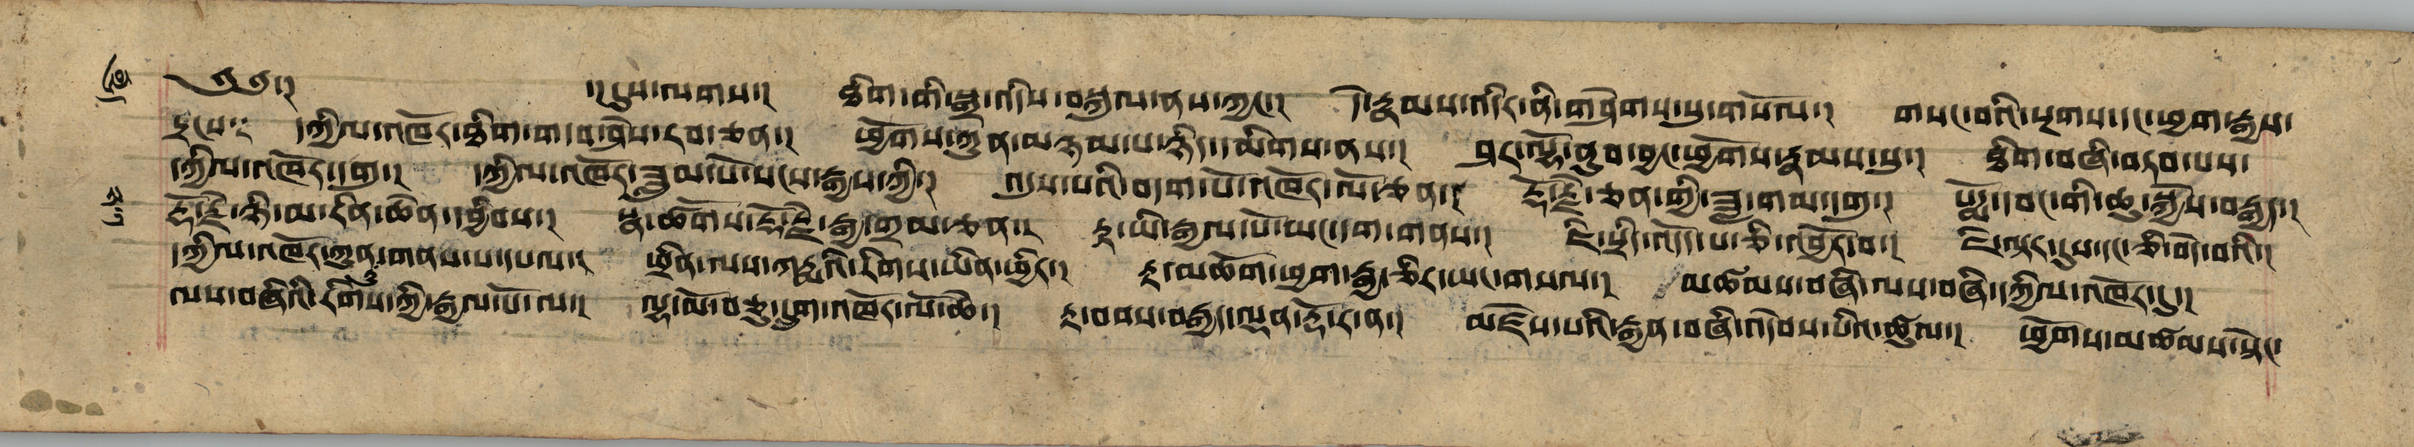༄༅་། ་།དུས་ལགས་། ཐིག་གི་སྒྲ་འདིས་བསྐུལ་ནས་ཀྱང་། དེ་རྣམས་འདིར་ནི་གཤེགས་སུ་གསོལ་། གསང་བའི་སྔགས་དང་ཕྱག་རྒྱས་
དྲངས༑ དཀྱིལ་འཁོར་ཐིག་གདབ་ཤེས་རབ་ཅན་། ཕྱོགས་ཀུན་མཉམ་པ་ཉིད་དམིགས་ནས་། ཤར་ལྷོ་ནུབ་བྱང་ཕྱོགས་རྣམས་སུ་། ཐིག་བཞི་བཏབ་པས་
དཀྱིལ་འཁོར་དགུ་། དཀྱིལ་འཁོར་ཟླུམ་པོ་སངས་རྒྱས་ཀྱི་། འདུས་པའི་བདག་པོ་འཁོར་ལོ་ཅན་། རྡོ་རྗེ་ཅན་གྱི་ཟླ་གམ་དགུ་། པདྨོ་དབང་གི་ཆུ་སྐྱེས་བརྒྱད་།
རྡོ་རྗེ་ཉི་མ་རིན་ཆེན་དབྱིབས་། སྣ་ཚོགས་རྡོ་རྗེ་རྒྱ་གྲམ་ཅན་། རྟ་ཡི་རྒྱལ་པོ་ཡང་དག་གནས་། ཇི་སྲིད་འདོད་པ་ཅི་འབྱོར་བ་། ཇི་ལྟར་དུས་དང་ཅི་བདེ་བའི་།
དཀྱིལ་འཁོར་ཀུན་ཏུ་གནས་པ་དཔལ་། ཕྲིན་ལས་ཀརྨའི་རིགས་ཡིན་ཕྱིར་། རྟ་མཆོག་ཕྱག་རྒྱ་ཅིར་ཡང་གསལ་། མཚམས་བཞི་ལས་བཞི་དཀྱིལ་འཁོར་དུ་།
ལས་བཞིའི་རིགས་ཀྱི་རྒྱལ་པོ་ལ་། ལྷ་མོ་བཅུ་དྲུག་འཁོར་ལོ་ཆེ་། རྟ་བབས་བརྒྱད་ལྡན་རྡོ་ར་ན་། མཛེས་པའི་རྒྱན་བཞི་འདེབས་པའི་ཚུལ་། ཕྱོགས་མཚམས་སྟེང་